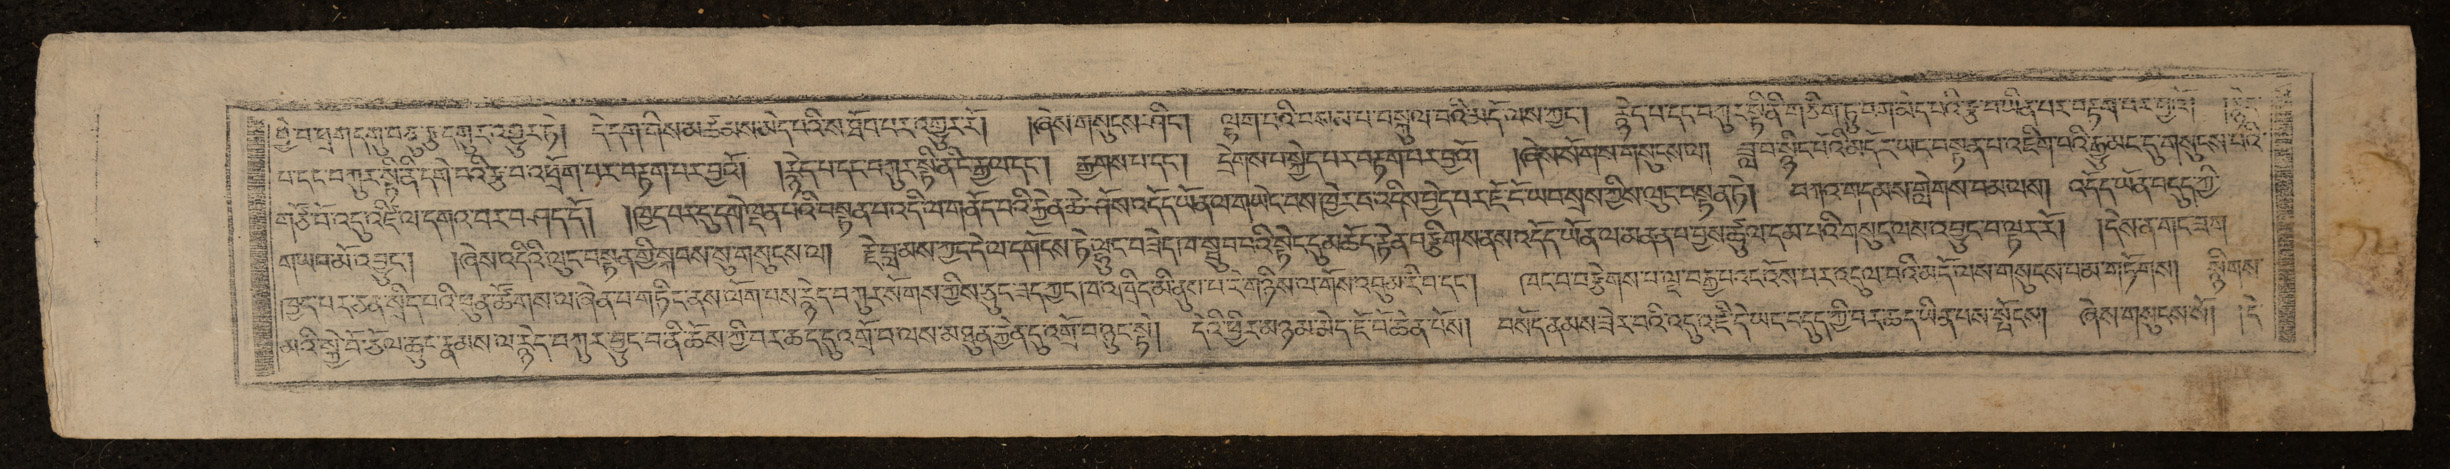བྱེ་བ་ཕྲག་དགུ་བཅུ་རྩ་དགུར་འགྱུར་ཏེ། དེ་དག་གིས་མཚམས་མེད་པའི་ས་ཐོབ་པར་འགྱུར་རོ། །ཞེས་གསུངས་ཤིང་། ལྷག་པའི་བསམ་པ་བསྐུལ་བའི་མདོ་ལས་ཀྱང་། རྙེད་པ་དང་བཀུར་སྟི་ནི་གཅིག་ཏུ་པ་མེད་པའི་རྩ་བ་ཡིན་པར་བརྟག་པར་བྱའོ། །རྙེད་
པ་དང་བཀུར་སྟི་ནི་དགེ་བའི་རྩ་བ་འཕྲོག་པར་བརྟག་པར་བྱའོ། །རྙེད་པ་དང་བཀུར་སྟི་ན་དི་རྒྱལ་དང་། རྒྱགས་པ་དང་། དྲེགས་པ་སྐྱེད་པར་བརྟག་པར་བྱའོ། །ཞེས་སོགས་གསུངས་ལ། ཟླ་བ་སྙིང་པོའི་མདོར་ཡང་བསྟན་པ་འཇིག་པའི་རྒྱུ་མང་དུ་གསུངས་པའི་
གཙོ་བོ་འདུ་འཛིལ་དགའ་བར་བཤད་དོ། །ཁྱད་པར་དུ་དགེ་ལྡན་པའི་བསྟན་པ་འདི་ལ་གནོད་པའི་རྐྱེན་ཆེ་ཤོས་འདོད་ཡོན་ལ་གཡེང་བས་ཁྱེར་བ་འདིས་བྱེད་པར་ཇོ་བོ་ཡབ་སྲས་ཀྱིས་ལུང་བསྟན་ཏེ། བཀའ་གདམས་གླེགས་བམ་ལས། འདོད་ཡོན་བདུད་ཀྱི་
གཡབ་མོ་འབྱུང་། །ཞེས་འདིའི་ལུང་བསྟན་གྱི་སྐབས་སུ་གསུངས་ལ། རྗེ་བླ་མས་ཀྱང་དེ་ལ་དགོངས་ཏེ་ལྷུང་བཟེད་ཁ་སྦུབ་པའི་སྟེང་དུ་མཆོད་རྟེན་བརྩིགས་ནས་འདོད་ཡོན་ལ་མནན་བ་བྱས་ཚུལ་དམ་པའི་གསུང་ལས་འབྱུང་བ་ལྟར་རོ། །དེས་ན་གང་ཟག་
ཁྱད་པར་ཅན་སྲིད་པའི་ཕུན་ཚོགས་ལ་ཞེན་པ་གཏིང་ནས་ལོག་པས་རྙེད་བཀུར་སོགས་ཀྱིས་ཅུང་ཟད་ཀྱང་ཁ་འཁྲིད་མི་ནུས་བ་རེ་གཉིས་ལ་གོས་འབུམ་རི་པ་དང་། ཁང་བ་བརྩེགས་པ་ལྔ་བརྒྱ་པའང་འོས་པར་འདུལ་བའི་མདོ་ལས་གསུངས་པ་མ་གཏོགས། སྙིགས་
མའི་སྐྱེ་བོ་ཅོལ་ཆུང་རྣམས་ལ་རྙེད་བཀུར་བྱུང་བ་ནི་ཆོས་ཀྱི་བར་ཆད་དུ་འགྲོ་བ་ལས་མཐུན་རྐྱེན་དུ་འགྲོ་བ་ཉུང་སྟེ། དེའི་ཕྱིར་མཉམ་མེད་ཇོ་བོ་ཆེན་པོས། བསོད་ནམས་ཟེར་བའི་འདུ་འཛི་དེ་ཡང་བདུད་ཀྱི་བར་ཆད་ཡིན་པས་སྤོངས། །ཞེས་གསུངས་སོ། །དེ་